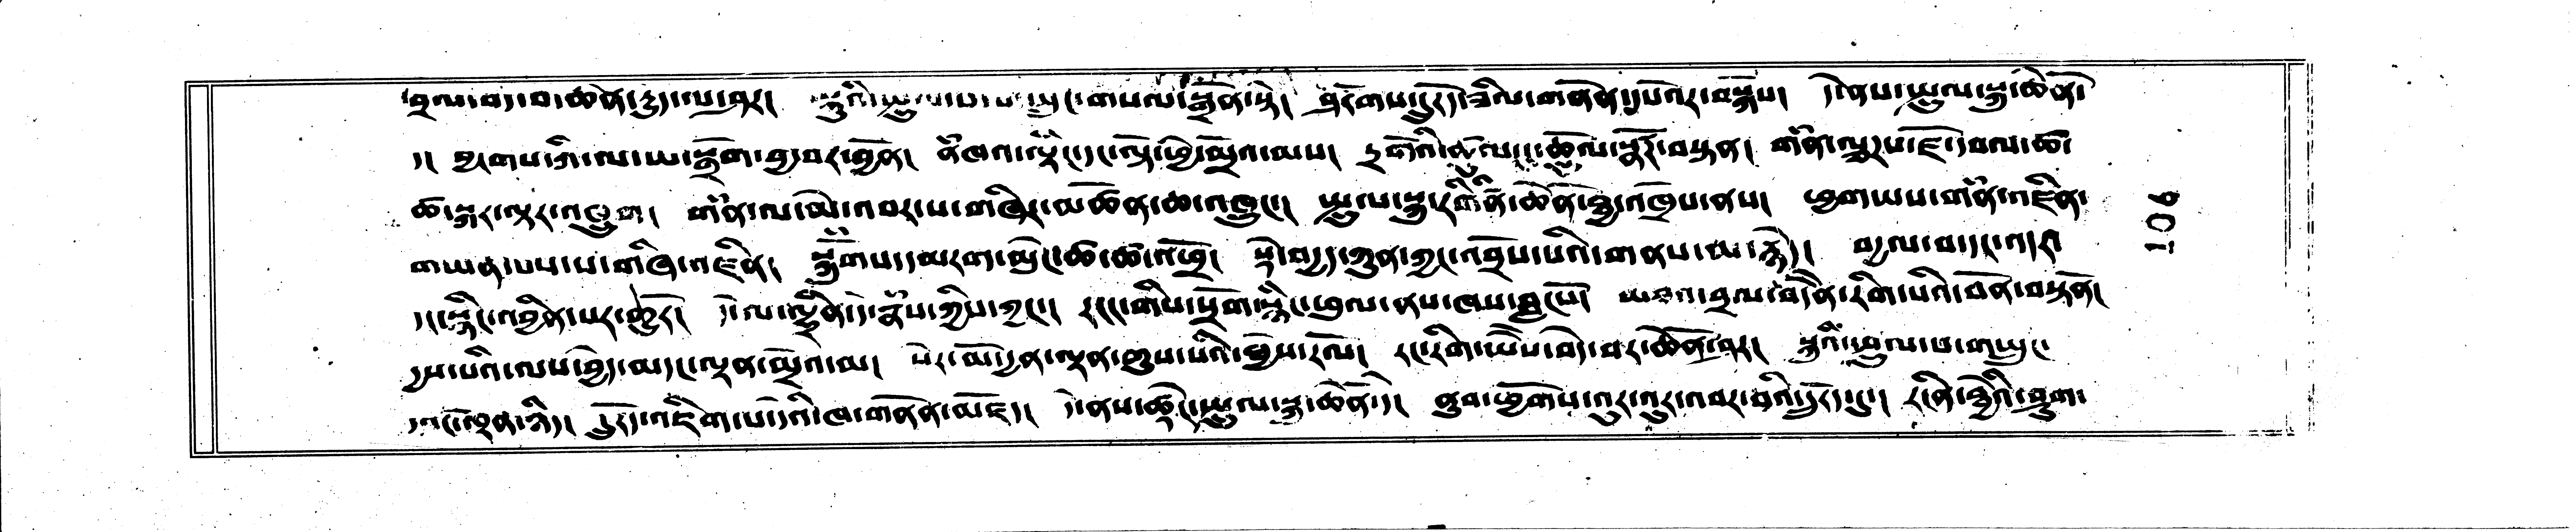བྲལ་བདེ་བ་ཆེན་པོ་རྒྱུད་ལ་ཤར། སྐུའི་སྤྲུལ་པ་གཡུང་དྲུང་གསལ་སྒྲོན་ཏེ། ཤར་ཕྱོགས་དུར་ཁྲོད་ཟིལ་གནོན་དཔའ་བོར་བསྐོས། དེ་ནས་སྤྲུལ་སྐུ་ཆེན་པོ་
དང་། བྱང་ཕྱོགས་ཀི་ལ་ཡ་སྒྲོག་བྱ་བར་བྱོན། ནམ་མཁའ་ལྡིང་དང་ལྟོ་ཕྱེ་མཁའ་འགྲོ་མས། དྲག་པོའི་ཚུལ་དང་ཆོ་འཕྲུལ་སྣ་ཚོགས་བསྟན། གནམ་ལྕགས་ཛོ་དབལ་ཚ་
ཚ་སྐར་ལྟར་འཁྲུགས། གནམ་ལ་མེ་འབར་ས་གཞིར་མཚོན་ཆ་འཁྲུགས། སྤྲུལ་སྐུ་རིག་འཛིན་ཆེན་པོ་ཐུགས་ཁྲོས་ནས། ཕྱག་གཡས་གནམ་འཛིན་
གཡོན་པས་ས་གཞི་འཛིན། སྐུ་མདོག་དམར་ནག་མེ་དཔུང་ཚ་ཚ་འཕྲོ། སྡེ་བརྒྱད་ཀུན་ཀྱང་འབྲོས་པའི་གནས་མ་རྙེད། བརྒྱལ་བ་དང་འདར་
དང་སྙིང་འབྱིན་པར་གྱུར་ཏོ། དེ་ལ་ལྷ་སྲིན་དེ་རྣམས་ཀྱིས་ཀྱང་། རང་རང་གིས་སྲོག་སྙིང་ཕུལ་ནས་ཁས་བླངས་སོ། མཐའ་བྲལ་བདེ་ཆེན་རིག་པའི་བོན་བསྟན་ནོ།
།རྒྱས་པའི་ལས་བྱེད་མདངས་ལྡན་མཁའ་འགྲོ་མ། སེར་མོ་རྒྱན་ལྡན་གུས་པའི་ཐུགས་རྗེ་རོལ། རང་རིག་ཡེ་ཤེས་བདེ་བ་ཆེན་པོ་ཤར། སྐུ་ཡི་སྤྲུལ་པ་གཡུང་
དྲུང་དབང་ལྡན་ཉིད། དུར་ཁྲོད་འཇིགས་པ་དེ་ཡི་ཁ་གནོན་མཛོད། དེ་ནས་ཚེ་དབང་སྤྲུལ་སྐུ་ཆེན་པོ་དེ། ནུབ་ཕྱོགས་འུར་འུར་འབར་བའི་དུར་ཁྲོད་དུ། རང་བཞིན་ཐུགས་རྗེ་ཤུགས་